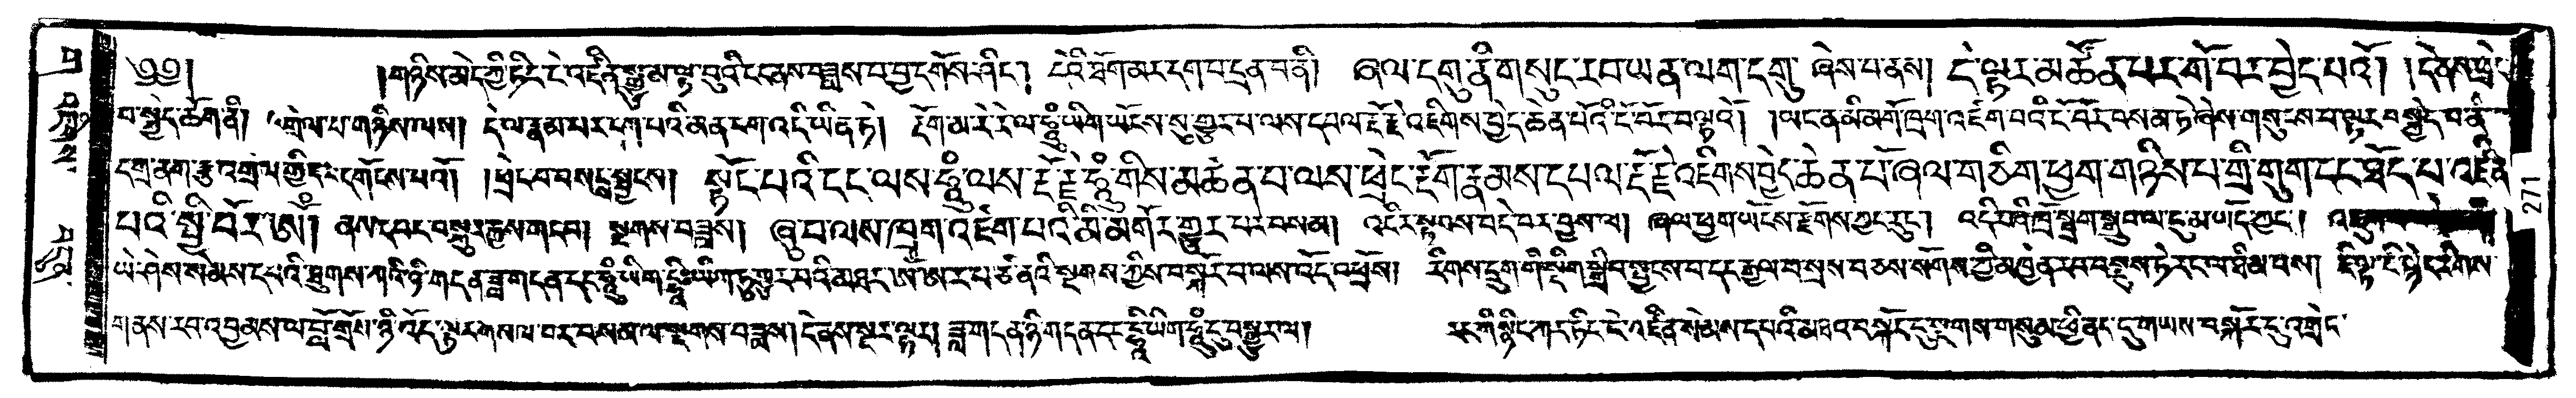༄༅། །གཉིས་མེད་ཀྱི་ཏིང་ངེ་འཛིན་སྒྱུ་མ་ལྟ་བུའི་ངང་ནས་བཟླས་པ་བྱ་དགོས་ཤིང་། དེའི་ཐོག་མར་དག་པ་དྲན་པ་ནི། ཞལ་དགུ་ནི་གསུང་རབ་ཡན་ལག་དགུ་ཞེས་པ་ནས། དེ་ལྟར་མཚོན་པར་གོ་བར་བྱེད་པའོ། །དེ་ནས་ཕྲེང་
བ་སྐྱེད་ཆོག་ནི། འགྲེལ་པ་གཉིས་ལས། དེ་ལ་རྣམ་པར་དག་པའི་མན་ངག་འདི་ཡིན་ཏེ། རྡོག་མ་རེ་རེ་ལ་ཧཱུཾ་ཡིག་ཡོངས་སུ་གྱུར་པ་ལས་དཔལ་རྡོ་རྗེ་འཇིགས་བྱེད་ཆེན་པོའི་ངོ་བོར་བལྟའོ། །ཡང་ན་མི་མགོ་ཁྲག་འཛག་པའི་ངོ་བོར་བསམ་ཏེ་ཞེས་གསུངས་པ་ལྟར་བསྐྱེད་པ་ནི་
དགྲ་ནག་རྩ་འགྲེལ་གྱི་དར་དགོངས་པའོ། །ཕྲེང་བ་བསངས་སྦྱངས། སྟོང་པའི་ངང་ལས་ཧཱུཾ་ལས་རྡོ་རྗེ་ཧཱུཾ་གིས་མཚན་པ་ལས་ཕྲེང་རྡོག་རྣམས་དཔལ་རྡོ་རྗེ་འཇིགས་བྱེད་ཆེན་པོ་ཞལ་གཅིག་ཕྱག་གཉིས་པ་གྲི་གུག་དང་ཐོད་པ་འཛིན་
པའི་སྤྱི་བོར་ཨོཾ། ནས་དབང་བསྐུར་རྒྱས་གདབ། སྔགས་བཟླས། ཞུ་བ་ལས་ཁྲག་འཛག་པའི་མི་མགོར་གྱུར་པར་བསམ། འདིར་སྟབས་བདེ་བར་བྱས་ལ། ཞལ་ཕྱག་ཡོངས་རྫོགས་ཀྱང་རུང་། འདིར་ཞི་ཁྲོ་སྦྲག་སྒྲུབ་ལ་དུ་མ་ཡོད་ཀྱང་། འཇུག་???
ཡེ་ཤེས་སེམས་དཔའི་ཐུགས་ཀའི་ཉི་གདན་ཟླ་གདན་དང་ཧཱུཾ་ཡིག་དྷཱིཿཡིག་ཏུ་གྱུར་བའི་མཐར་ཨོཾ་ཨ་ར་པ་ཙ་ནའི་སྔགས་ཀྱིས་བསྐོར་བ་ལས་འོད་འཕྲོས། རིགས་དྲུག་གི་སྡིག་སྒྲིབ་སྦྱངས་པ་དང་རྒྱལ་བ་སྲས་བཅས་སོགས་ཀྱི་མཁྱེན་རབ་བསྡུས་ཏེ་རང་ལ་ཐིམ་པས། ཇི་ལྟ་ཇི་སྙེད་རིགས་
གནས་རབ་འབྱམས་ལ་བློ་གྲོས་ཉི་འོད་ལྟར་གསལ་བར་བསམ་ལ་སྔགས་བཟླས། དེ་ནས་སྔར་ལྟར། ཟླ་གདན་ཉི་གདན་དང་དྷཱི་ཡིག་ཧཱུཾ་དུ་བསྒྱུར་ལ། རང་གི་སྙིང་ཀར་ཏིང་ངེ་འཛིན་སེམས་དཔའི་མཐའ་བསྐོར་དུ་སྔགས་གསུམ་ཕྱི་ནང་དུ་གཡས་བསྐོར་དུ་འགྲེང་